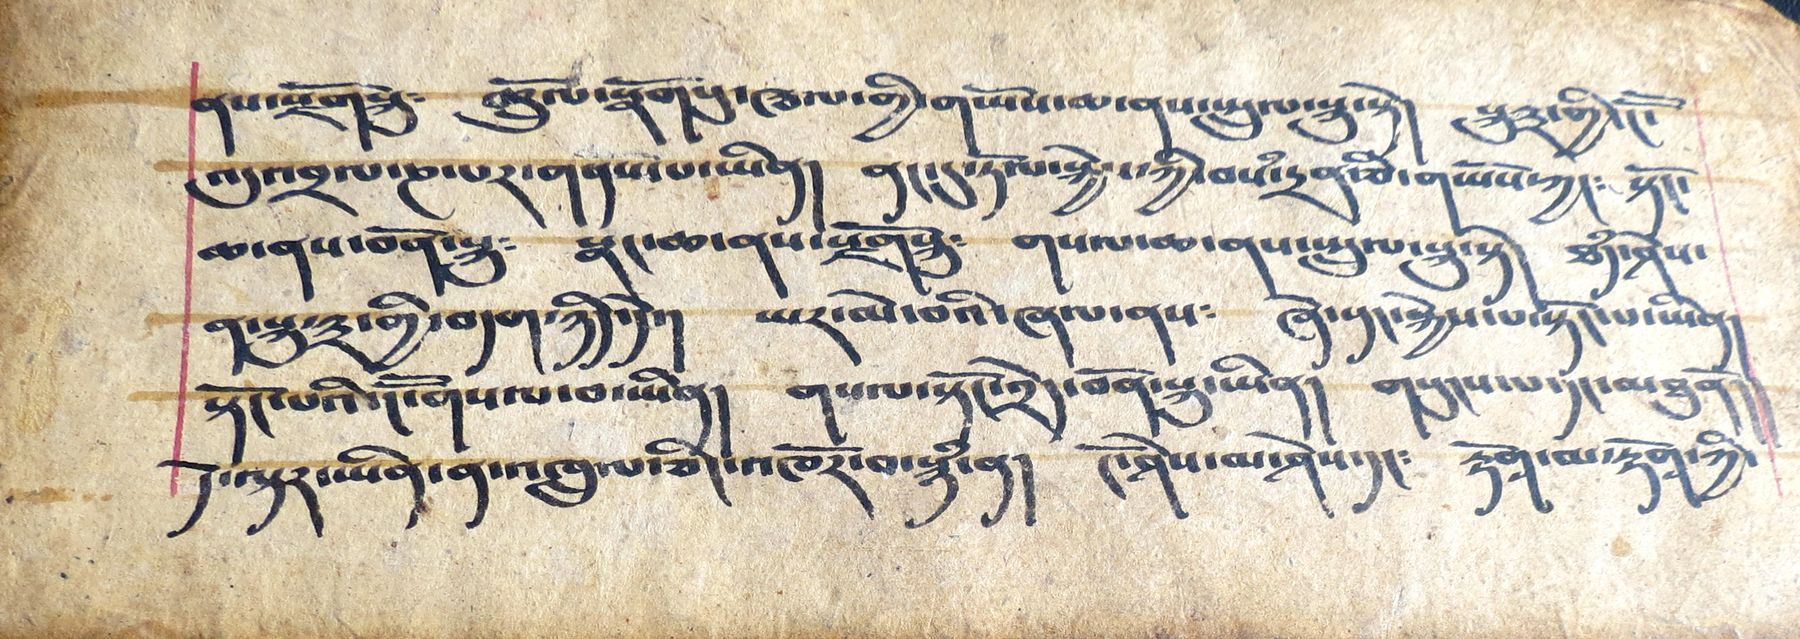ནས་རྫོགས་སྐུ། ཆོ་འཕྲུལ་སྣ་ཚོགས་སུ་ཝལ་གྱིས་གཡོས་ཆ་ནས་སྤྲུལ་སྐུ་སྟེ། སྐུ་གསུམ་ངོ་བོ་
འདུ་འབྲལ་མེད་པ་གནས་པ་ཡིན། ནང་དུ་ཏོལ་སྐྱེས་ཀྱི་བསམ་དྲན་ཅི་གཡོས་ཀྱང་། སྟོང་
ཆ་ནས་བོན་སྐུ། སྣང་ཆ་ནས་རྫོགས་སྐུ། གསལ་ཆ་ནས་སྤྲུལ་སྐུ་སྟེ། ཐམས་ཅད་ཤེས་
ན་སྐུ་གསུམ་གྱི་བདག་ཉིད་དེ། ཡར་མེ་བའི་ཞལ་ནས། ཞེ་སྡང་སྐྱེས་པ་སྟོང་པ་ཡིན། 
སྟོང་པའི་ངོ་བོ་གསལ་བ་ཡིན། གསལ་སྟོང་གཉིས་མེད་བོན་སྐུ་ཡིན། གསུངས་པ་དང་མཐུན་ནོ། ། 
དེ་ལྟར་ཡིན་ན་འཁྲུལ་ཞིང་འཁོར་བ་སྙམས་ན། ངོ་ཤེས་མ་ཤེས་རྟོགས་མ་རྟོགས་ཀྱི་